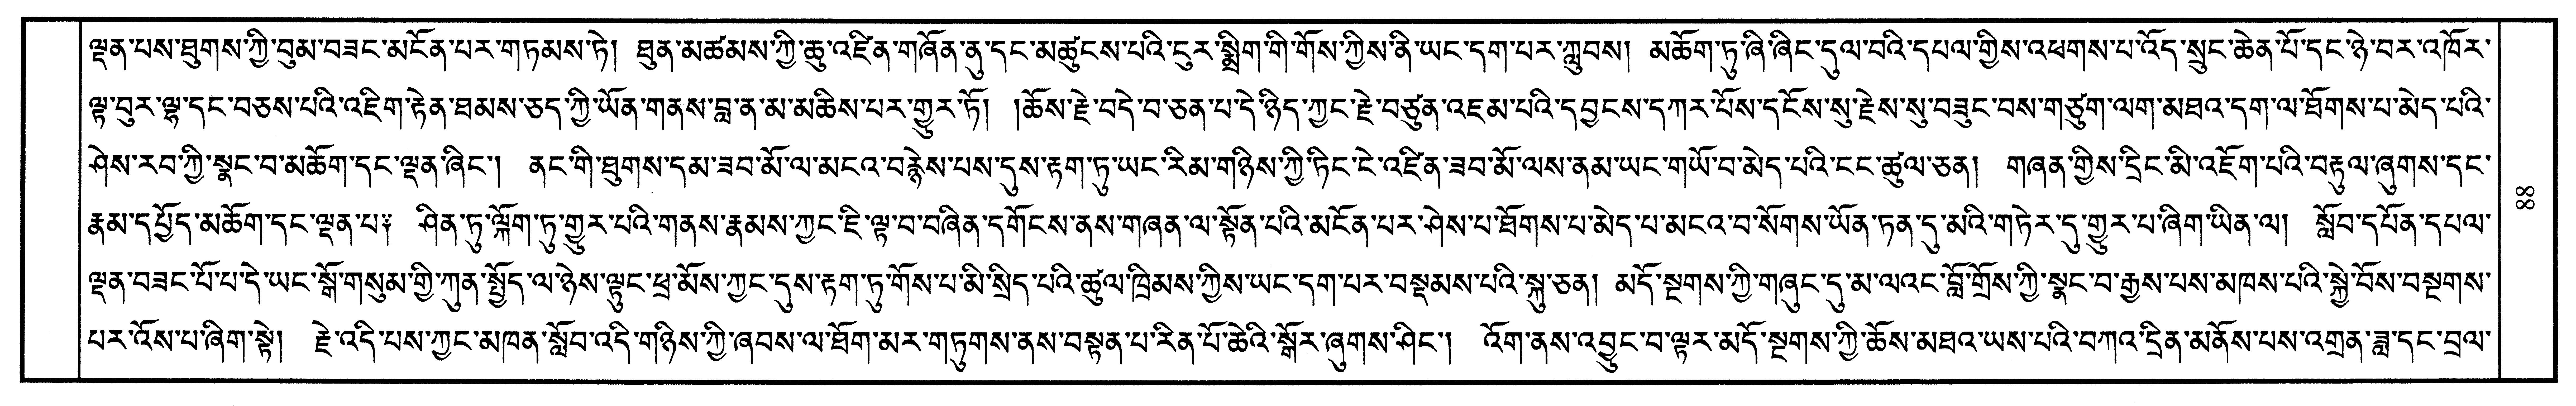ལྡན་པས་ཐུགས་ཀྱི་བུམ་བཟང་མངོན་པར་གཏམས་ཏེ། ཐུན་མཚམས་ཀྱི་ཆུ་འཛིན་གཞོན་ནུ་དང་མཚུངས་པའི་ངུར་སྨྲིག་གི་གོས་ཀྱིས་ནི་ཡང་དག་པར་ཀླུབས། མཆོག་ཏུ་ཞི་ཞིང་དུལ་བའི་དཔལ་གྱིས་འཕགས་པ་འོད་སྲུང་ཆེན་པོ་དང་ཉེ་བར་འཁོར་
ལྟ་བུར་ལྷ་དང་བཅས་པའི་འཇིག་རྟེན་ཐམས་ཅད་ཀྱི་ཡོན་གནས་བླ་ན་མ་མཆིས་པར་གྱུར་ཏོ། །ཆོས་རྗེ་བདེ་བ་ཅན་པ་དེ་ཉིད་ཀྱང་རྗེ་བཙུན་འཇམ་པའི་དབྱངས་དཀར་པོས་དངོས་སུ་རྗེས་སུ་བཟུང་བས་གཙུག་ལག་མཐའ་དག་ལ་ཐོགས་པ་མེད་པའི་
ཤེས་རབ་ཀྱི་སྣང་བ་མཆོག་དང་ལྡན་ཞིང་། ནང་གི་ཐུགས་དམ་ཟབ་མོ་ལ་མངའ་བརྙེས་པས་དུས་རྟག་ཏུ་ཡང་རིམ་གཉིས་ཀྱི་ཏིང་ངེ་འཛིན་ཟབ་མོ་ལས་ནམ་ཡང་གཡོ་བ་མེད་པའི་ངང་ཚུལ་ཅན། གཞན་གྱིས་དྲིང་མི་འཇོག་པའི་བརྟུལ་ཞུགས་དང་
རྣམ་དཔྱོད་མཆོག་དང་ལྡན་པ༑ ཤིན་ཏུ་ལྐོག་ཏུ་གྱུར་པའི་གནས་རྣམས་ཀྱང་ཇི་ལྟ་བ་བཞིན་དགོངས་ནས་གཞན་ལ་སྟོན་པའི་མངོན་པར་ཤེས་པ་ཐོགས་པ་མེད་པ་མངའ་བ་སོགས་ཡོན་ཏན་དུ་མའི་གཏེར་དུ་གྱུར་པ་ཞིག་ཡིན་ལ། སློབ་དཔོན་དཔལ་
ལྡན་བཟང་པོ་པ་དེ་ཡང་སྒོ་གསུམ་གྱི་ཀུན་སྤྱོད་ལ་ཉེས་ལྟུང་ཕྲ་མོས་ཀྱང་དུས་རྟག་ཏུ་གོས་པ་མི་སྲིད་པའི་ཚུལ་ཁྲིམས་ཀྱིས་ཡང་དག་པར་བསྡམས་པའི་སྐུ་ཅན། མདོ་སྔགས་ཀྱི་གཞུང་དུ་མ་ལའང་བློ་གྲོས་ཀྱི་སྣང་བ་རྒྱས་པས་མཁས་པའི་སྐྱེ་བོས་བསྔགས་
པར་འོས་པ་ཞིག་སྟེ། རྗེ་འདི་པས་ཀྱང་མཁན་སློབ་འདི་གཉིས་ཀྱི་ཞབས་ལ་ཐོག་མར་གཏུགས་ནས་བསྟན་པ་རིན་པོ་ཆེའི་སྒོར་ཞུགས་ཤིང་། འོག་ནས་འབྱུང་བ་ལྟར་མདོ་སྔགས་ཀྱི་ཆོས་མཐའ་ཡས་པའི་བཀའ་དྲིན་མནོས་པས་འགྲན་ཟླ་དང་བྲལ་